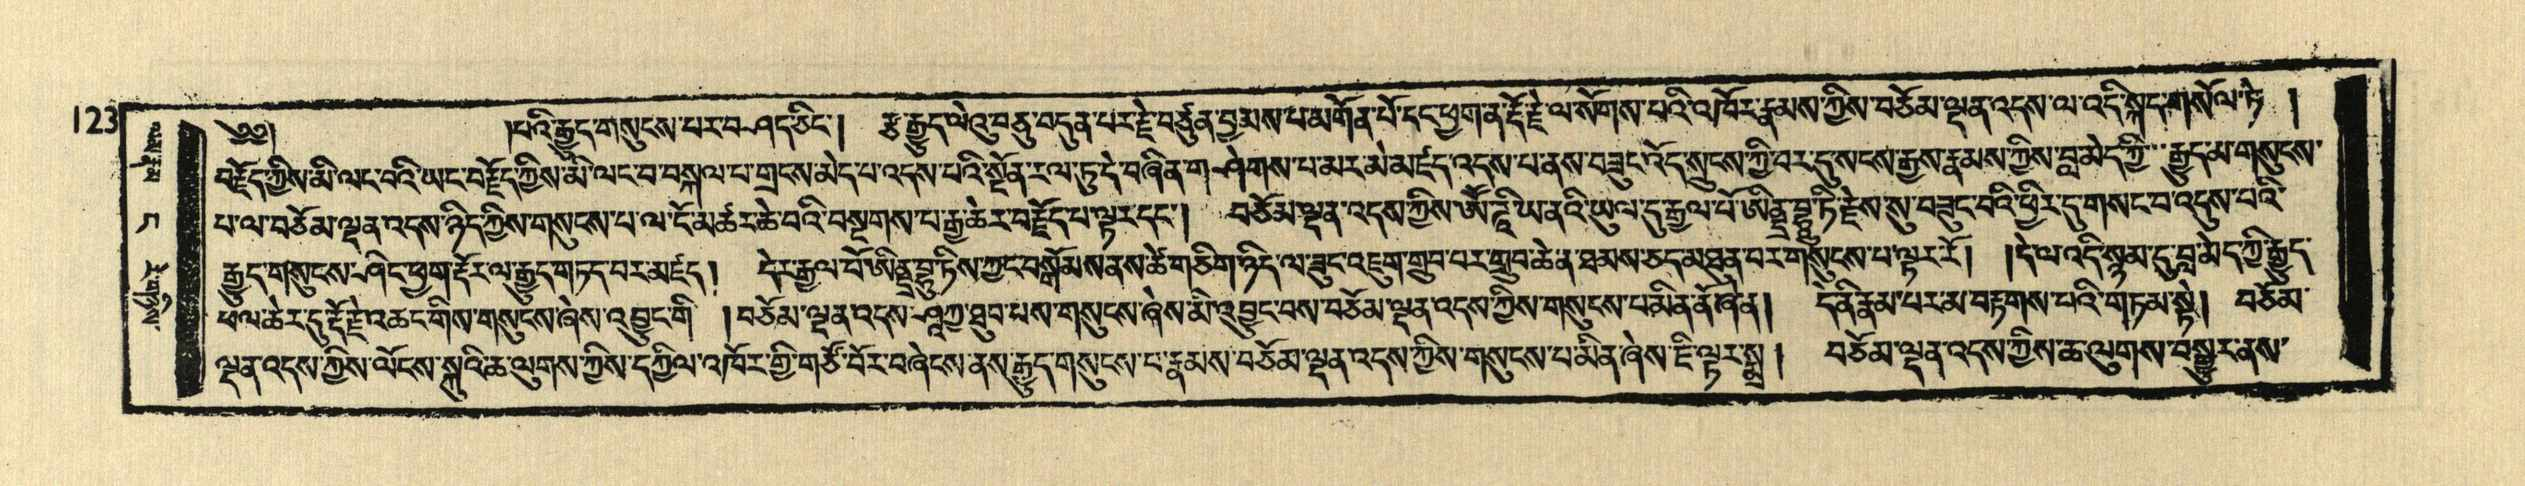༄༅། །པའི་རྒྱུད་གསུངས་པར་བཤད་ཅིང་། རྩ་རྒྱུད་ལེའུ་བཅུ་བདུན་པར་རྗེ་བཙུན་བྱམས་པ་མགོན་པོ་དང་ཕྱག་ན་རྡོ་རྗེ་ལ་སོགས་པའི་འཁོར་རྣམས་ཀྱིས་བཅོམ་ལྡན་འདས་ལ་འདི་སྐད་གསོལ་ཏེ་།
བརྗོད་ཀྱིས་མི་ལང་བའི་ཡང་བརྗོད་ཀྱིས་མི་ལང་བ་བསྐལ་པ་གྲངས་མེད་པ་འདས་པའི་སྔོན་རལ་ཏུ་དེ་བཞིན་གཤེགས་པ་མར་མེ་མཛད་འདས་པ་ནས་བཟུང་འོད་སྲུངས་ཀྱི་བར་དུ་སངས་རྒྱས་རྣམས་ཀྱིས་བླ་མེད་ཀྱི་རྒྱུད་མ་གསུངས་
པ་ལ་བཅོམ་ལྡན་འདས་ཉིད་ཀྱིས་གསུངས་པ་ལ་ངོ་མཚར་ཆེ་བའི་བསྔགས་པ་རྒྱ་ཆེར་བརྗོད་པ་ལྟར་དང་། བཅོམ་ལྡན་འདས་ཀྱིས་ཨཽ་ཌཱི་ཡ་ནའི་ཡུལ་དུ་རྒྱལ་པོ་ཨིནྡྲ་བྷཱུ་ཏི་རྗེས་སུ་བཟུང་བའི་ཕྱིར་དུ་གསང་བ་འདུས་པའི་
རྒྱུད་གསུངས་ཤིང་ཕྱག་རྡོར་ལ་རྒྱུད་གཏད་བར་མཛད། དེར་རྒྱལ་པོ་ཨིནྡྲ་བྷུ་ཏིས་ཀྱང་བསྒོམས་ནས་ཚེ་གཅིག་ཉིད་ལ་ཟུང་འཇུག་གྲུབ་པར་གྲུབ་ཆེན་ཐམས་ཅད་མཐུན་པར་གསུངས་པ་ལྟར་རོ། །དེ་ལ་འདི་སྙམ་དུ་བླ་མེད་ཀྱི་རྒྱུད་
ཕལ་ཆེར་དུ་རྡོ་རྗེ་འཆང་གིས་གསུངས་ཞེས་འབྱུང་གི །བཅོམ་ལྡན་འདས་ཤཱཀྱ་ཐུབ་པས་གསུངས་ཞེས་མི་འབྱུང་བས་བཅོམ་ལྡན་འདས་ཀྱིས་གསུངས་པ་མིན་ནོ་ཞེ་ན། དེ་ནི་རྣམ་པར་མ་བརྟགས་པའི་གཏམ་སྟེ། བཅོམ་
ལྡན་འདས་ཀྱིས་ལོངས་སྐུའི་ཆ་ལུགས་ཀྱིས་དཀྱིལ་འཁོར་གྱི་གཙོ་བོར་བཞེངས་ནས་རྒྱུད་གསུངས་པ་རྣམས་བཅོམ་ལྡན་འདས་ཀྱིས་གསུངས་པ་མིན་ཞེས་ཇི་ལྟར་སྨྲ། བཅོམ་ལྡན་འདས་ཀྱིས་ཆ་ལུགས་བསྒྱུར་ནས་